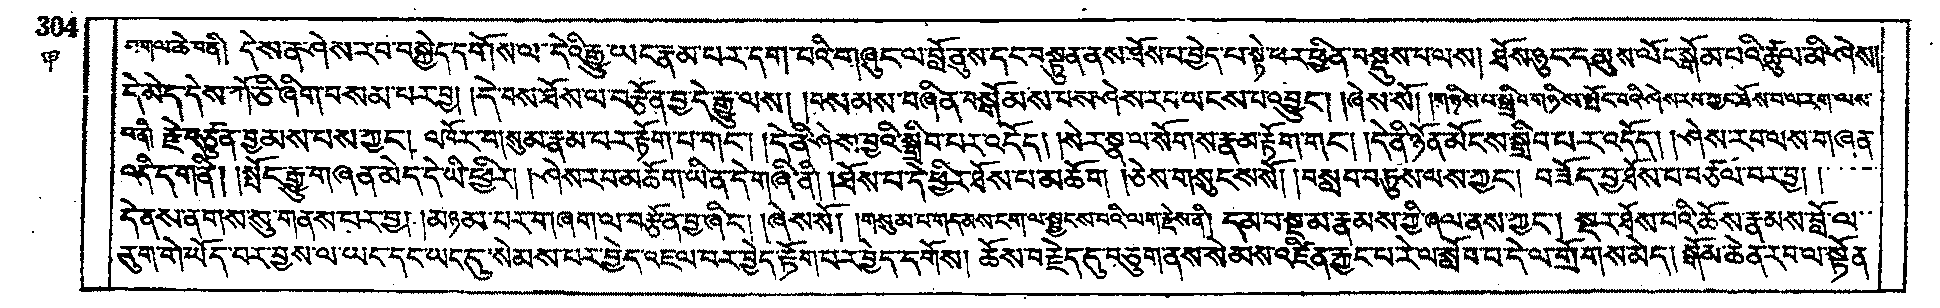བ་གལ་ཆེ་བ་ནི། དེས་ན་ཤེས་རབ་བསྐྱེད་དགོས་ལ་དེའི་རྒྱུ་ཡང་རྣམ་པར་དག་པའི་གཞུང་ལ་བློ་ནུས་དང་བསྟུན་ནས་ཐོས་པ་བྱེད་པ་སྟེ་ཕར་ཕྱིན་བསྡུས་པ་ལས། ཐོས་ཉུང་དམུས་ལོང་སྒོམ་པའི་ཚུལ་མི་ཤེས།
དེ་མེད་དེས་ཀོ་ཅི་ཞིག་བསམ་པར་བྱ། །དེ་བས་ཐོས་ལ་བརྩོན་བྱ་དེ་རྒྱུ་ལས། །བསམས་བཞིན་བསྒོམས་པས་ཤེས་རབ་ཡངས་པ་འབྱུང་། །ཞེས་སོ། །གཉིས་པ་སྒྲིབ་གཉིས་སྤོང་བའི་ཤེས་རབ་ཀྱང་ཐོས་པ་ལ་རག་ལས་
བ་ནི། རྗེ་བཙུན་བྱམས་པས་ཀྱང་། འཁོར་གསུམ་རྣམ་པར་རྟོག་པ་གང་། །དེ་ནི་ཤེས་བྱའི་སྒྲིབ་པར་འདོད། །སེར་སྣ་ལ་སོགས་རྣམ་རྟོག་གང་། །དེ་ནི་ཉོན་མོངས་སྒྲིབ་པར་འདོད། །ཤེས་རབ་ལས་གཞན་
འདི་དག་ནི། །སྤོང་རྒྱུ་གཞན་མེད་དེ་ཡི་ཕྱིར། །ཤེས་རབ་མཆོག་ཡིན་དེ་གཞི་ནི། །ཐོས་པ་དེ་ཕྱིར་ཐོས་པ་མཆོག །ཅེས་གསུངས་སོ། །བསླབ་བཏུས་ལས་ཀྱང་། བཟོད་བྱ་ཐོས་པ་བཙལ་བར་བྱ། །
དེ་ནས་ནགས་སུ་གནས་པར་བྱ། །མཉམ་པར་གཞག་ལ་བརྩོན་བྱ་ཞིང་། །ཞེས་སོ། །གསུམ་པ་གདམས་ངག་ལ་སྦྱངས་པའི་ལག་རྗེས་ནི།  དམ་པ་སྔ་མ་རྣམས་ཀྱི་ཞལ་ནས་ཀྱང་། སྔར་ཐོས་པའི་ཆོས་རྣམས་བློ་ལ་
རུག་གེ་ཡོད་པར་བྱས་ལ་ཡང་དང་ཡང་དུ་སེམས་པར་བྱེད་འཇལ་བར་བྱེད་རྟོག་པར་བྱེད་དགོས། ཆོས་བརྗེད་དུ་བཅུག་ནས་སེམས་འཛིན་རྐྱང་པ་རེ་ལ་སློབ་པ་དེ་ལ་གྲོགས་མེད། སྒོམ་ཆེན་རབ་ལ་སྟོ་